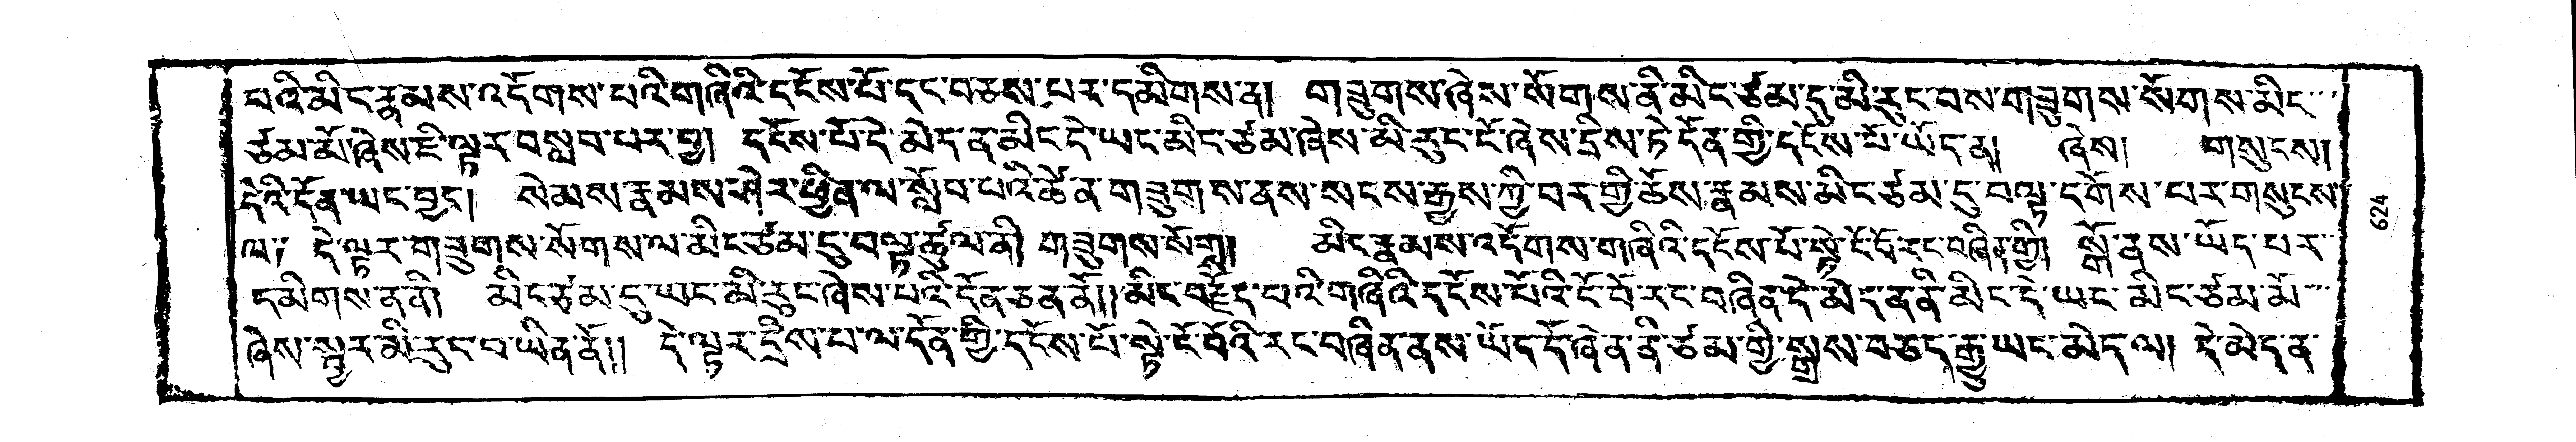པའི་མིང་རྣམས་འདོགས་པའི་གཞིའི་དངོས་པོ་དང་བཅས་པར་དམིགས་ན། གཟུགས་ཞེས་སོགས་ནི་མིང་ཙམ་དུ་མི་རུང་བས་གཟུགས་སོགས་མིང་
ཙམ་མོ་ཞེས་ཇི་ལྟར་བསླབ་པར་བྱ། དངོས་པོ་དེ་མེད་ན་མིང་དེ་ཡང་མིང་ཙམ་ཞེས་མི་རུང་ངོ་ཞེས་དྲིས་ཏེ་དོན་གྱི་དངོས་པོ་ཡོད་ན། ཞེས། གསུངས།
དེའི་དོན་ཡང་བྱང་། སེམས་རྣམས་ཤེར་ཕྱིན་ལ་སློབ་པའི་ཚེ་ན་གཟུགས་ནས་སངས་རྒྱས་ཀྱི་བར་གྱི་ཆོས་རྣམས་མིང་ཙམ་དུ་བལྟ་དགོས་པར་གསུངས་
ལ༑ དེ་ལྟར་གཟུགས་སོགས་ལ་མིང་ཙམ་དུ་བལྟ་ཚུལ་ནི། གཟུགས་སོགས། མིང་རྣམས་འདོགས་གཞིའི་དངོས་པོ་སྟེ་ངོ་བོ་རང་བཞིན་གྱི། སྒོ་ནས་ཡོད་པར་
དམིགས་ན་ནི། མིང་ཙམ་དུ་ཡང་མི་རུང་ཞེས་པའི་དོན་ཅན་ནོ། །མིང་བརྗོད་པའི་གཞིའི་དངོས་པོའི་ངོ་བོ་རང་བཞིན་དེ་མེད་ན་ནི་མིང་དེ་ཡང་མིང་ཙམ་མོ་
ཞེས་སྦྱར་མི་རུང་བ་ཡིན་ནོ།། དེ་ལྟར་དྲིས་པ་ལ་དོན་གྱི་དངོས་པོ་སྟེ་ངོ་བོའི་རང་བཞིན་ནས་ཡོད་དོ་ཞེ་ན་ནི་ཙམ་གྱི་སྒྲས་བཅད་རྒྱུ་ཡང་མེད་ལ། དེ་མེད་ན་